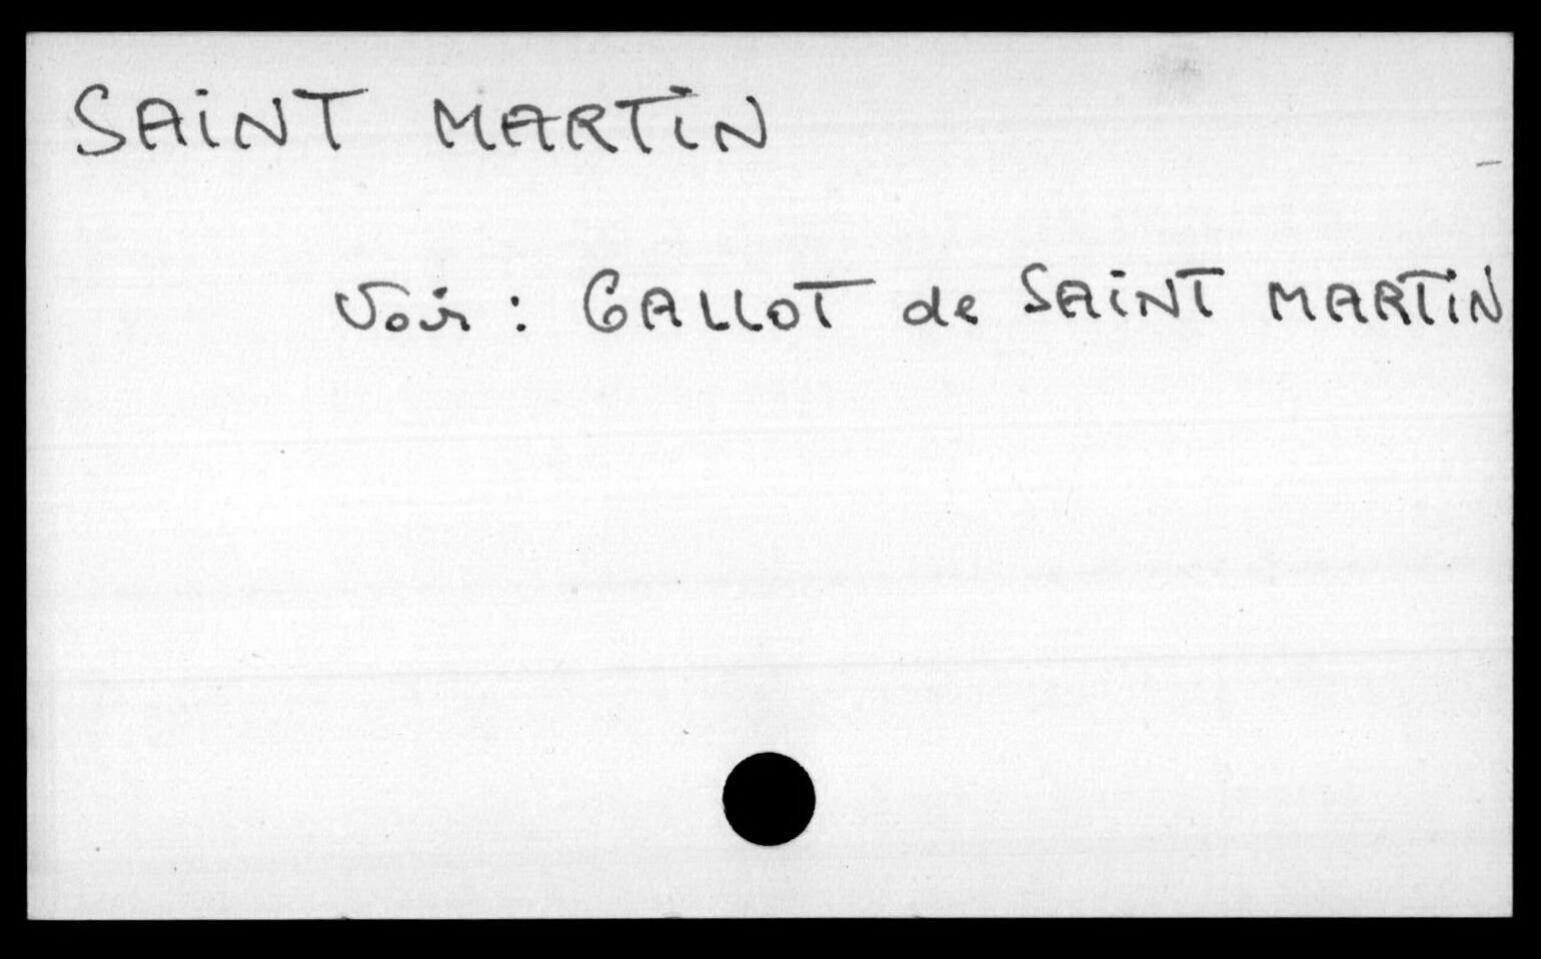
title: SAINT MARTIN
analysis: Voir : GALLOT de SAINT MARTIN
